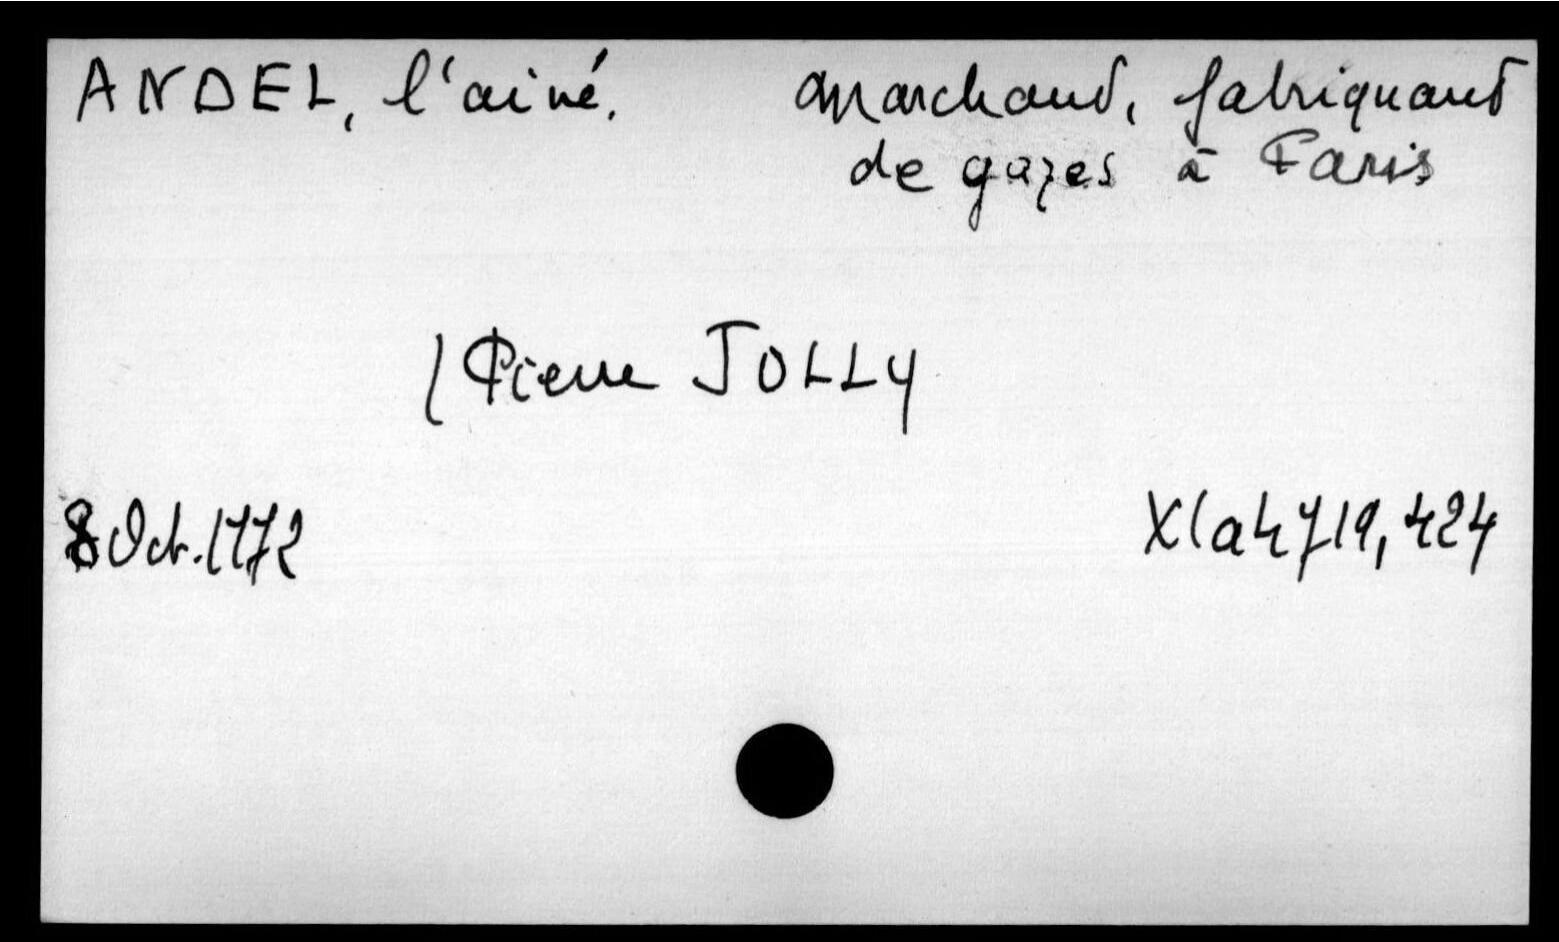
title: ANDEL, l'ainé, Marchand, fabriquant de gazes à Paris
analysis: Contre Pierre JOLLY
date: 8 octobre 1772
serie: X1a
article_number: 4719
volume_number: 424
